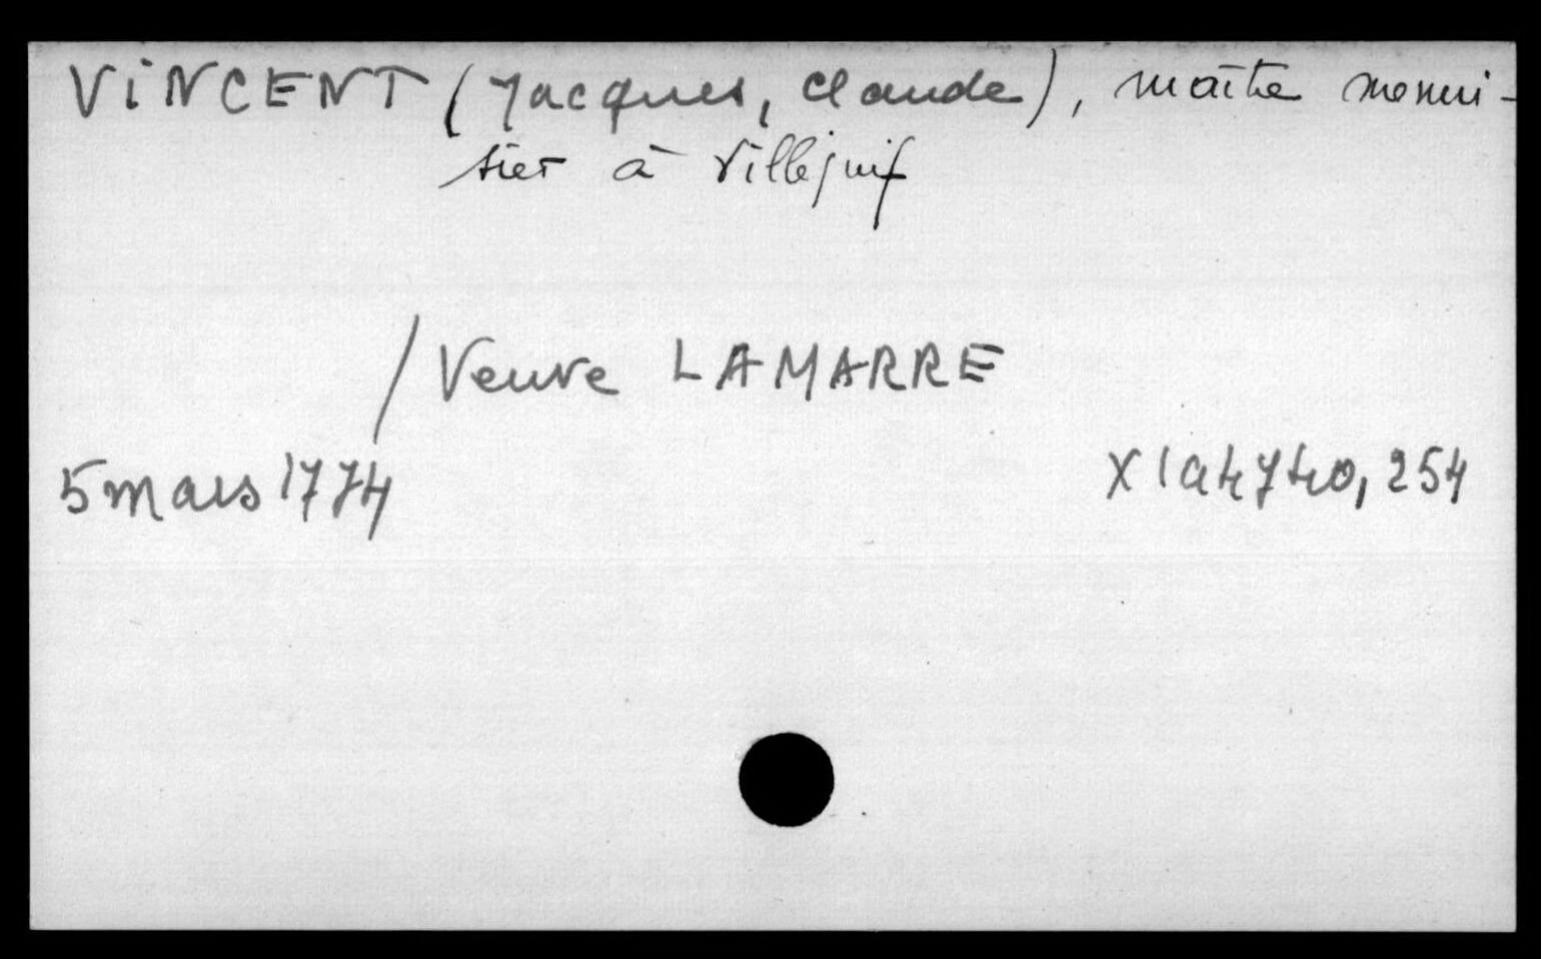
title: VINCENT (Jacques, Claude), maître menuisier à Villejuif
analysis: Contre Veuve LAMARRE
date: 5 mars 1774
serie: X1a
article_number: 4740
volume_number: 254
